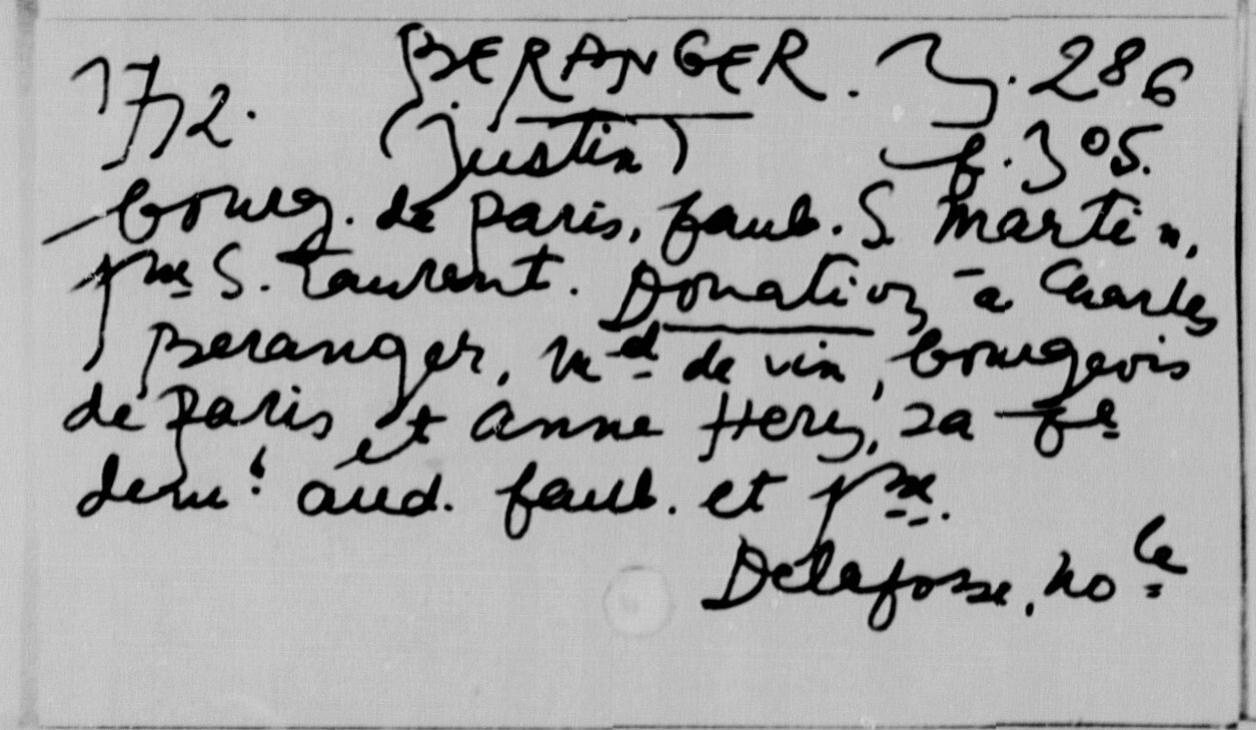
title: BERANGER (Justin)
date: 1712
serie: Y
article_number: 286
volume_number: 305
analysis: bourgeois de Paris, faubourg Saint-Martin, paroisse Saint-Laurent. Donation à Charles Béranger, marchand de vin, bourgeois de Paris et Anne Hery, sa femme, demeurant audit faubourg et paroisse. Delafosse, notaire.
